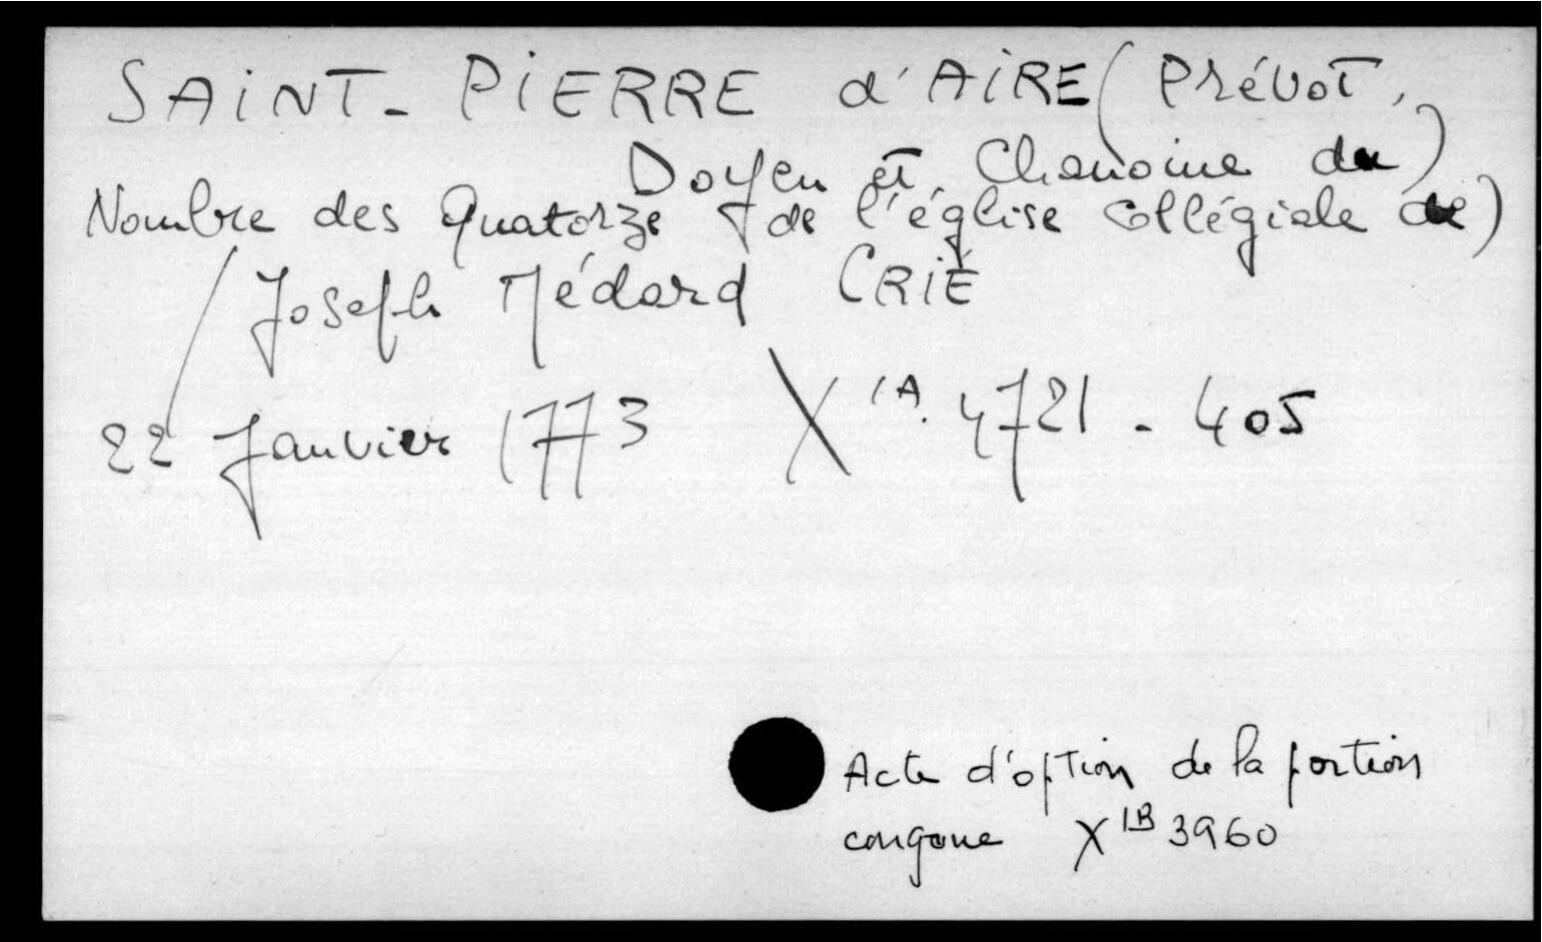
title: SAINT-PIERRE d'AIRE (Prévôt, Doyen et chanoine de) Nombre des Quatorzes de l'église collégiale de)
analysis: Contre Joseph Médard CRIÉ
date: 22 janvier 1773
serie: X1A
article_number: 4721
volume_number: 405
